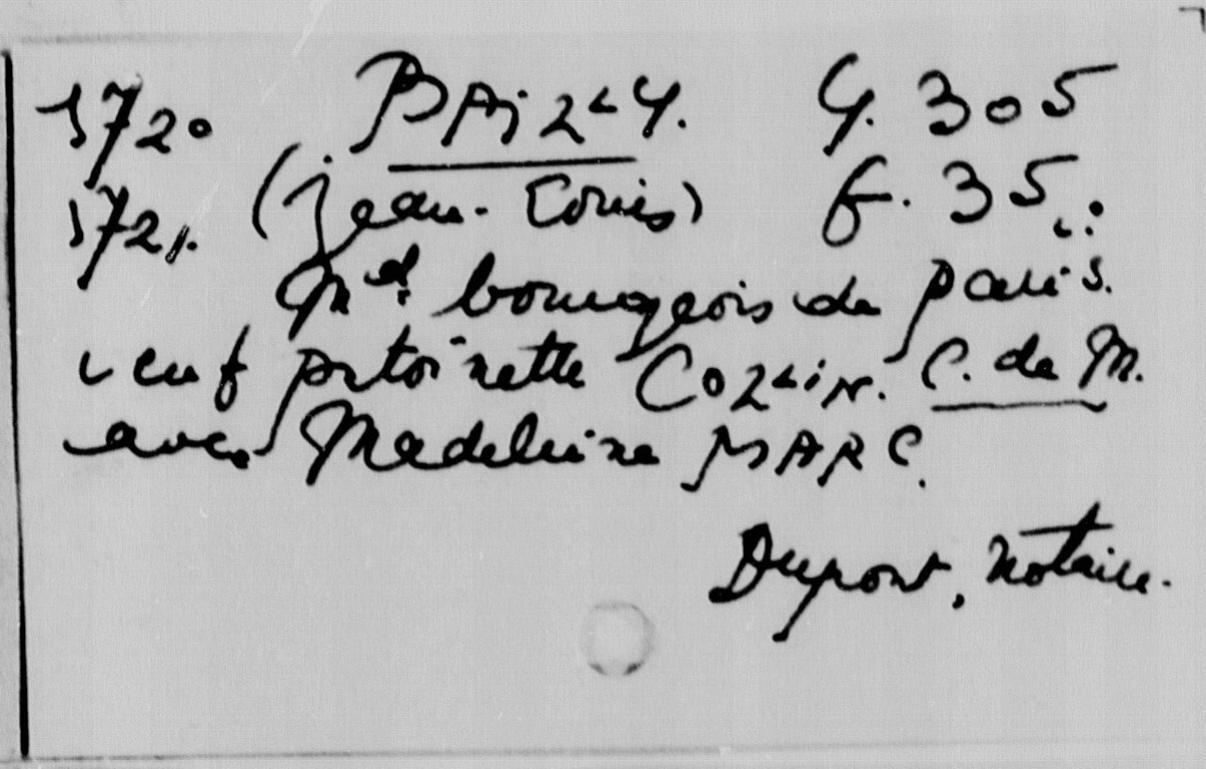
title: BAILLY (Jean-Louis)
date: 1720-1721
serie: Y
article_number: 305
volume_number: folio 35 verso
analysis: Marchand bourgeois de Paris. Veuf Antoinette Collin. Contrat de mariage avec Madelaine Marc. Dupont, notaire.
